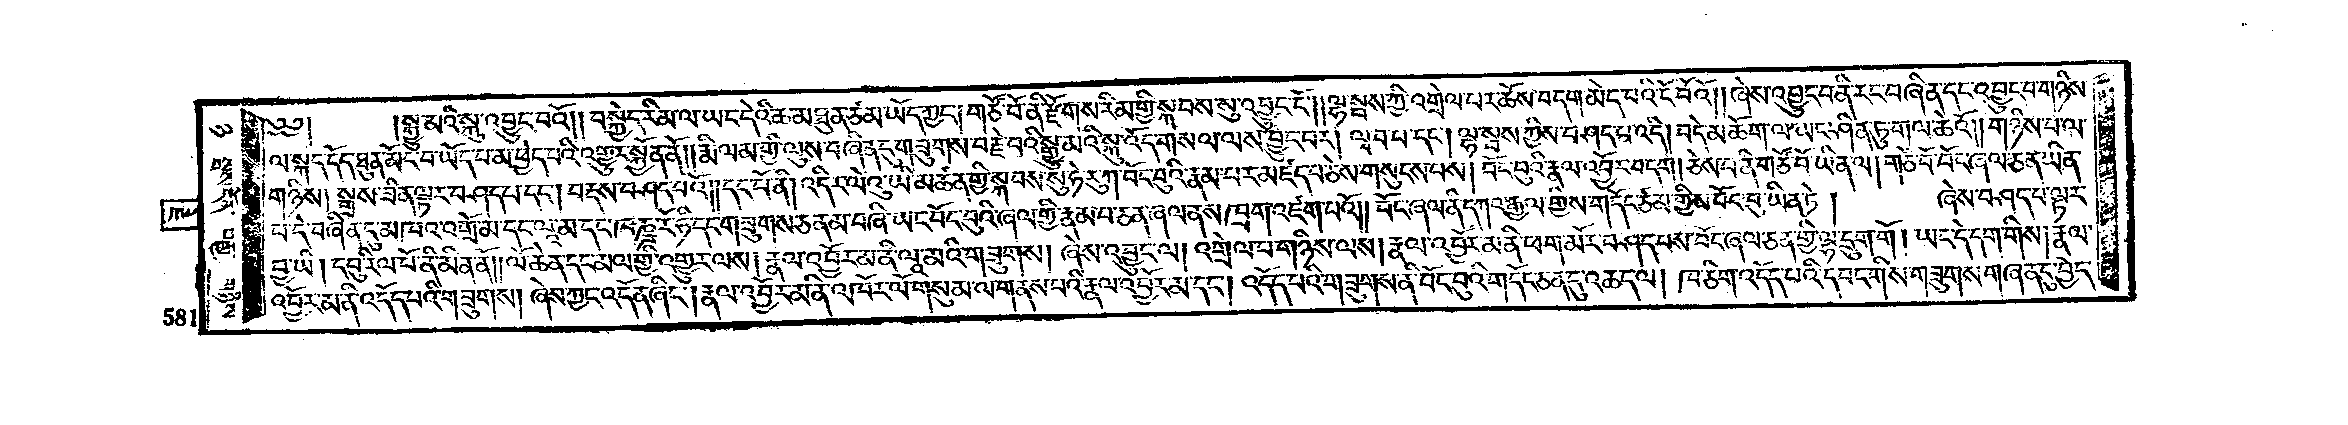༄༅། །སྒྱུ་མའི་སྐུ་འབྱུང་བའོ། །བསྐྱེད་རིམ་ལ་ཡང་དེའི་ཆ་མཐུན་ཙམ་ཡོད་ཀྱང་། གཙོ་བོ་ནི་རྫོགས་རིམ་གྱི་སྐབས་སུ་འབྱུང་ངོ། །ལྷ་སྦས་ཀྱི་འགྲེལ་པར་ཆོས་བདག་མེད་པའི་ངོ་བོའོ། །ཞེས་འབྱུང་བ་ནི་རང་བཞིན་དང་འབྱུང་བ་གཉིས་
ལ་སྐད་དོད་ཐུན་མོང་བ་ཡོད་པ་མ་ཕྱེད་པའི་འགྱུར་སྐྱོན་ནོ། །རྨི་ལམ་གྱི་ལུས་བཞིན་དུ་གཟུགས་བརྗེ་བའི་སྒྱུ་མའི་སྐུ་འོད་གསལ་ལས་བྱུང་བར། ལྭ་བ་པ་དང་། ལྷ་སྦས་ཀྱིས་བཤད་པ་འདི། བདེ་མཆོག་ལ་ཡང་ཤིན་ཏུ་གལ་ཆེའོ། །གཉིས་པ་ལ་
གཉིས། སྒྲས་ཟིན་ལྟར་བཤད་པ་དང་། བརྡས་བཤད་པའོ། །དང་པོ་ནི། འདིར་ལེའུ་ཡི་མཚན་གྱི་སྐབས་སུ་ཧེ་རུ་ཀ་བོང་བུའི་རྣམ་པར་མཛད་པ་ཅེས་གསུངས་པས། བོང་བུའི་རྣལ་འབྱོར་བདག །ཅེས་པ་ནི་གཙོ་བོ་ཡིན་ལ། གཙོ་བོ་བོང་ཞལ་ཅན་ཡིན་
པ་དེ་བཞིན་དུ་མཁའ་འགྲོ་མ་དང་ལཱ་མ་དང་ཁཎྜ་རོ་ཧི་དང་གཟུགས་ཅན་མ་བཞི་ཡང་བོང་བུའི་ཞལ་གྱི་རྣམ་པ་ཅན་ཞལ་ནས་ཁྲག་འཛག་པའོ། །བོང་ཞལ་ནི་དཀའ་རྒྱལ་གྱིས་གདོང་ཙམ་གྱིས་བོང་བུ་ཡིན་ཏེ། ཞེས་བཤད་པ་ལྟར་
བྱ་ཡི། དབུ་རིལ་པོ་ནི་མིན་ནོ། །ལོ་ཆེན་དང་མལ་གྱི་འགྱུར་ལས། རྣལ་འབྱོར་མ་ནི་ལཱ་མའི་གཟུགས། ཞེས་འབྱུང་ལ། འགྲེལ་པ་གཉིས་ལས། རྣལ་འབྱོར་མ་ནི་ཕག་མོར་བཤད་པས་བོང་ཞལ་ཅན་གྱི་ལྷ་དྲུག་གོ །ཡང་དེ་དག་གིས། རྣལ་
འབྱོར་མ་ནི་འདོད་པའི་གཟུགས། ཞེས་ཀྱང་འདོན་ཞིང་། རྣལ་འབྱོར་མ་ནི་འཁོར་ལོ་གསུམ་ལ་གནས་པའི་རྣལ་འབྱོར་མ་དང་། འདོད་པའི་གཟུགས་ནི་བོང་བུའི་གདོང་ཅན་དུ་འཆད་ལ། ཁ་ཅིག་འདོད་པའི་དབང་གིས་གཟུགས་གཞན་དུ་བྱེད་